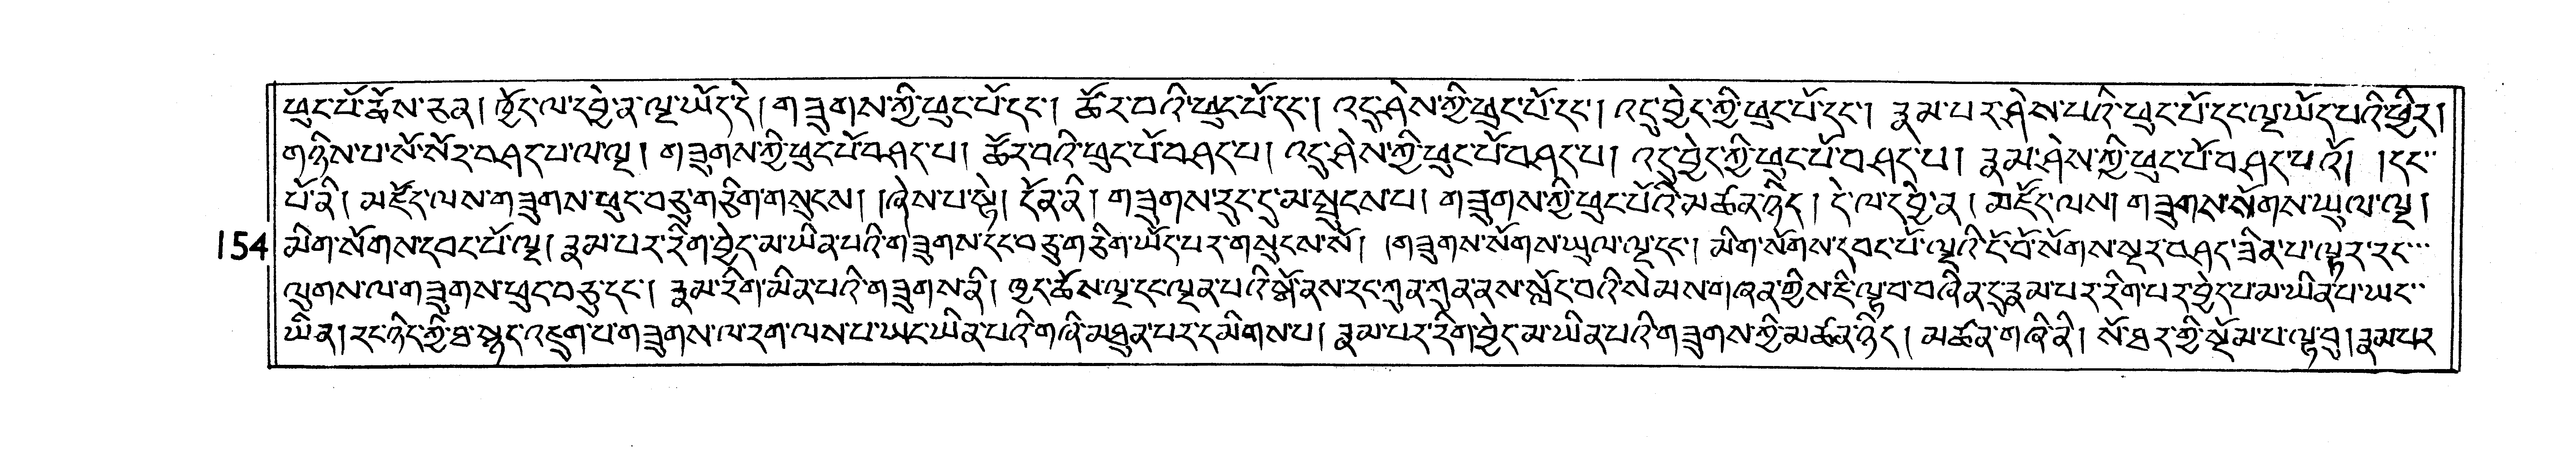ཕུང་པོ་ཆོས་ཅན། ཁྱོད་ལ་དབྱེ་ན་ལྔ་ཡོད་དེ། གཟུགས་ཀྱི་ཕུང་པོ་དང་། ཚོར་བའི་ཕུང་པོ་དང་། འདུ་ཤེས་ཀྱི་ཕུང་པོ་དང་། འདུ་བྱེད་ཀྱི་ཕུང་པོ་དང་། རྣམ་པར་ཤེས་པའི་ཕུང་པོ་དང་ལྔ་ཡོད་པའི་ཕྱིར།
གཉིས་པ་སོ་སོར་བཤད་པ་ལ་ལྔ། གཟུགས་ཀྱི་ཕུང་པོ་བཤད་པ། ཚོར་བའི་ཕུང་པོ་བཤད་པ། འདུ་ཤེས་ཀྱི་ཕུང་པོ་བཤད་པ། འདུ་བྱེད་ཀྱི་ཕུང་པོ་བཤད་པ། རྣམ་ཤེས་ཀྱི་ཕུང་པོ་བཤད་པའོ། །དང་
པོ་ནི། མཛོད་ལས་གཟུགས་ཕུང་བཅུ་གཅིག་གསུངས། །ཞེས་པ་སྟེ། དོན་ནི། གཟུགས་རུང་དུ་མ་སྤུངས་པ། གཟུགས་ཀྱི་ཕུང་པོའི་མཚན་ཉིད། དེ་ལ་དབྱེ་ན། མཛོད་ལས། གཟུགས་སོགས་ཡུལ་ལྔ།
མིག་སོགས་དབང་པོ་ལྔ། རྣམ་པར་རིག་བྱེད་མ་ཡིན་པའི་གཟུགས་དང་བཅུ་གཅིག་ཡོད་པར་གསུངས་སོ། །གཟུགས་སོགས་ཡུལ་ལྔ་དང་། མིག་སོགས་དབང་པོ་ལྔའི་ངོ་བོ་སོགས་སྔར་བཤད་ཟིན་པ་ལྟར་རང་
ལུགས་ལ་གཟུགས་ཕུང་བཅུ་དང་། རྣམ་རིག་མིན་པའི་གཟུགས་ནི། ཁྱད་ཆོས་ལྔ་དང་ལྡན་པའི་སྒོ་ནས་རང་ཀུན་ཀུན་ནས་སློང་བའི་སེམས་གཞན་གྱིས་ཇི་ལྟ་བ་བཞིན་དུ་རྣམ་པར་རིག་པར་བྱེད་པ་མ་ཡིན་པ་ཡང་
ཡིན། རང་ཉིད་ཀྱི་ཐ་སྙད་འཇུག་པ་གཟུགས་ལ་རག་ལས་པ་ཡང་ཡིན་པའི་གཞི་མཐུན་པར་དམིགས་པ། རྣམ་པར་རིག་བྱེད་མ་ཡིན་པའི་གཟུགས་ཀྱི་མཚན་ཉིད། མཚན་གཞི་ནི། སོ་ཐར་གྱི་སྡོམ་པ་ལྟ་བུ། རྣམ་པར་